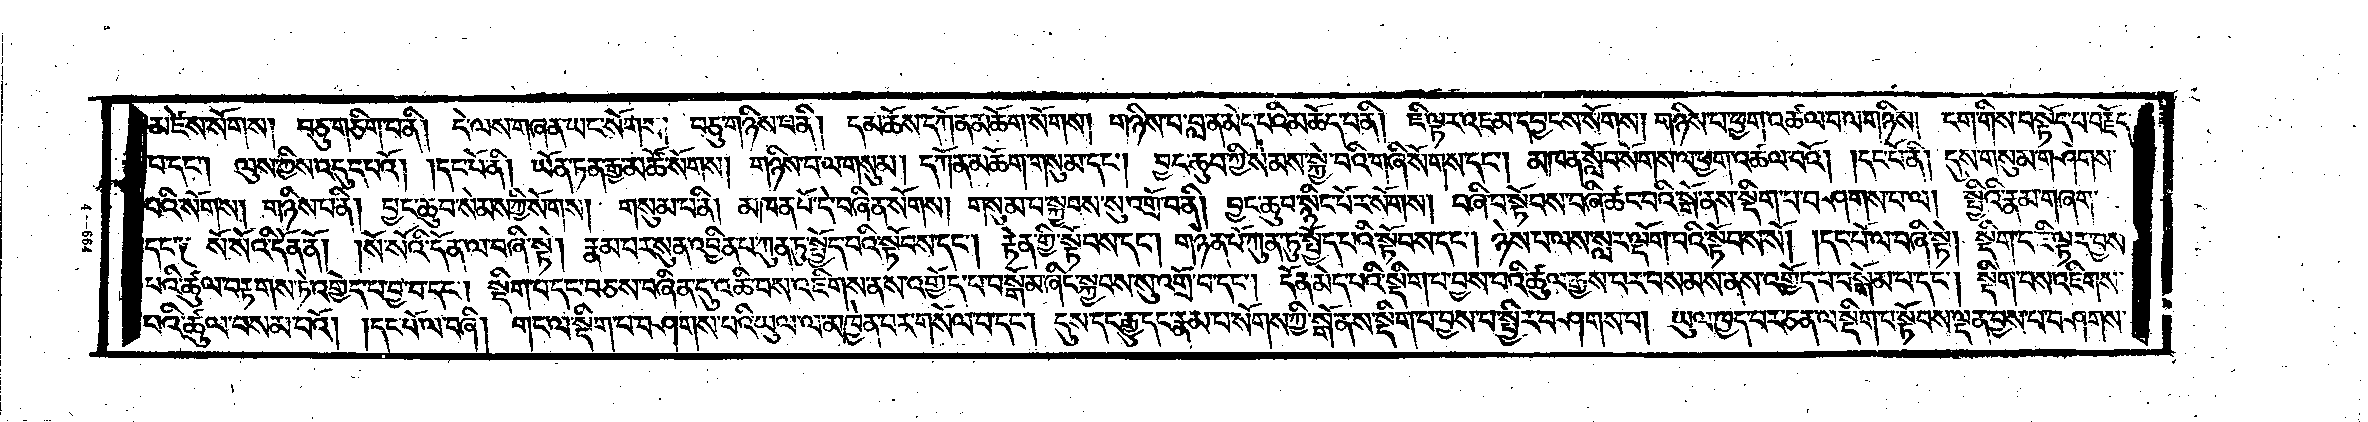མཛེས་སོགས། བཅུ་གཅིག་པ་ནི། དེ་ལས་གཞན་ཡང་སོགས། བཅུ་གཉིས་པ་ནི། དམ་ཆོས་དཀོན་མཆོག་སོགས། གཉིས་པ་བླ་ན་མེད་པའི་མཆོད་པ་ནི། ཇི་ལྟར་འཇམ་དབྱངས་སོགས། གཉིས་པ་ཕྱག་འཚལ་བ་ལ་གཉིས། དག་གིས་བསྟོད་པ་བརྗོད་
པ་དང་། ལུས་ཀྱིས་འདུད་པའོ། །དང་པོ་ནི། ཡོན་ཏན་རྒྱ་མཚོ་སོགས། གཉིས་པ་ལ་གསུམ། དཀོན་མཆོག་གསུམ་དང་། བྱང་ཆུབ་ཀྱི་སེམས་སྐྱེ་བའི་གཞི་སོགས་དང་། མཁན་སློབ་སོགས་ལ་ཕྱག་འཚལ་བའོ། །དང་པོ་ནི། དུས་གསུམ་གཤེགས་
པའི་སོགས། གཉིས་པ་ནི། བྱང་ཆུབ་སེམས་ཀྱི་སོགས། གསུམ་པ་ནི། མཁན་པོ་དེ་བཞིན་སོགས། གསུམ་པ་སྐྱབས་སུ་འགྲོ་བ་ནི། བྱང་ཆུབ་སྙིང་པོར་སོགས། བཞི་པ་སྟོབས་བཞི་ཚང་བའི་སྒོ་ནས་སྡིག་པ་བཤགས་པ་ལ། སྤྱིའི་རྣམ་གཞག་
དང༑ སོ་སོའི་དོན་ནོ། །སོ་སོའི་དོན་ལ་བཞི་སྟེ། རྣམ་པར་སུན་འབྱིན་པ་ཀུན་ཏུ་སྤྱོད་པའི་སྟོབས་དང་། རྟེན་གྱི་སྟོབས་དང་། གཉེན་པོ་ཀུན་ཏུ་སྤྱོད་པའི་སྟོབས་དང་། ཉེས་པ་ལས་སླར་ལྡོག་པའི་སྟོབས་སོ། །དང་པོ་ལ་བཞི་སྟེ། སྡིག་པ་ཇི་ལྟར་བྱས་
པའི་ཚུལ་བརྟགས་ཏེ་འགྱེད་པ་བྱ་བ་དང་། སྡིག་པ་དང་བཅས་བཞིན་དུ་འཆི་བས་འཇིགས་ནས་འགྱོད་པ་བསྒོམ་ཞིང་སྐྱབས་སུ་འགྲོ་བ་དང་། དོན་མེད་པའི་སྡིག་པ་བྱས་པའི་ཚུལ་རྒྱས་པར་བསམས་ནས་འགྱོད་པ་བསྒོམ་པ་དང་། སྡིག་པས་འཇིགས་
པའི་ཚུལ་བསམ་པའོ། །དང་པོ་ལ་བཞི། གང་ལ་སྡིག་བ་བཤགས་པའི་ཡུལ་ལ་མཁྱེན་པར་གསོལ་བ་དང་། དུས་དང་རྒྱུ་དང་རྣམ་པ་སོགས་ཀྱི་སྒོ་ནས་སྡིག་པ་བྱས་པ་སྤྱིར་བཤགས་པ། ཡུལ་ཁྱད་པར་ཅན་ལ་སྡིག་པ་སྟོབས་ལྡན་བྱས་པ་བཤགས་